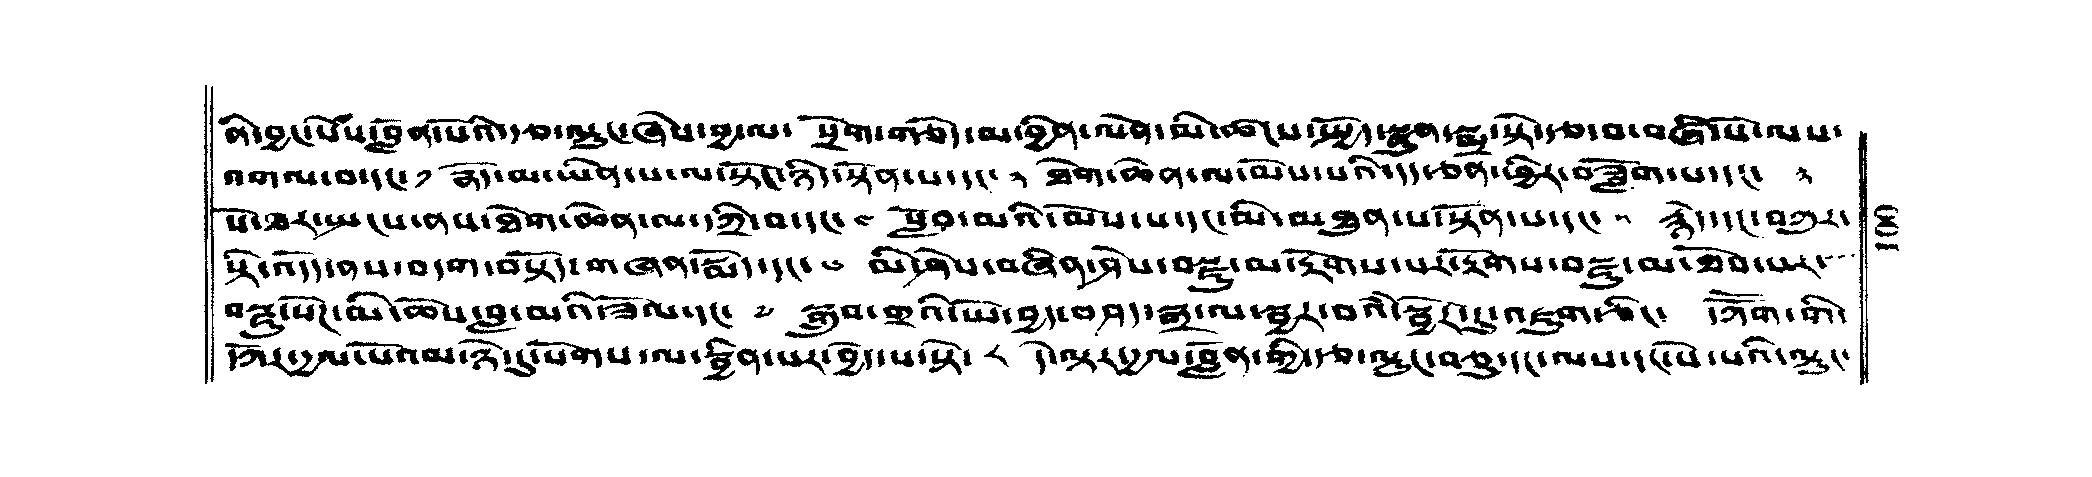ནི་བྱང་སེམས་བློན་པོའི་རྩ་ལྟུང་ཞེས་བྱ་ལ། སྲོག་གཅོད་མ་བྱིན་ལེན་མི་ཚངས་སྤྱོད་སྣུན་སྨྲ་སྟེ་རྩ་བ་བཞི་པོ་ལས་
འགལ་བ་དང་། སྣོད་མ་ཡིན་པ་ལ་སྟོང་ཉིད་སྟོན་པ་དང་། ཐེག་ཆེན་ལ་མོས་པའི་དད་ཅན་ཕྱིར་བཟློག་པ་དང་། 
སོ་ཐར་སྤངས་ནས་ཐེག་ཆེན་ལ་དཀྲི་བ་དང་། སློབ་མའི་མོས་པ་དང་མི་མཐུན་པ་སྟོན་པ་དང་། རྙེད་དང་བཀུར་
སྟི་འདོད་ནས་བདག་བསྟོད་གཞན་སྨོད་དང་། མི་ཤེས་བཞིན་ཤེས་བརྫུ་མ་རྟོགས་པར་རྟོགས་བརྫུ་མ་ཐོབ་པར་
བརྫུ་སོགས་མི་ཆོས་བླ་མའི་ཟོལ་དང་། སྒྲུབ་གྲའི་ཡོ་བྱད་བཤད་སྒྲ་ལ་སྦྱར་བའམ་སྦྱོར་དུ་འཇུག་ཅིང་། དཀོན་མཆོག་གི་
དཀོར་རྒྱལ་པོའམ་ཉེ་དུ་སོགས་ལ་སྦྱིན་པར་བྱེད་པ་སྟེ། དེ་ལྟར་རྒྱལ་བློན་གྱི་རྩ་ལྟུང་བཅུ་དང་ལས་དང་པོ་པའི་ལྟུང་